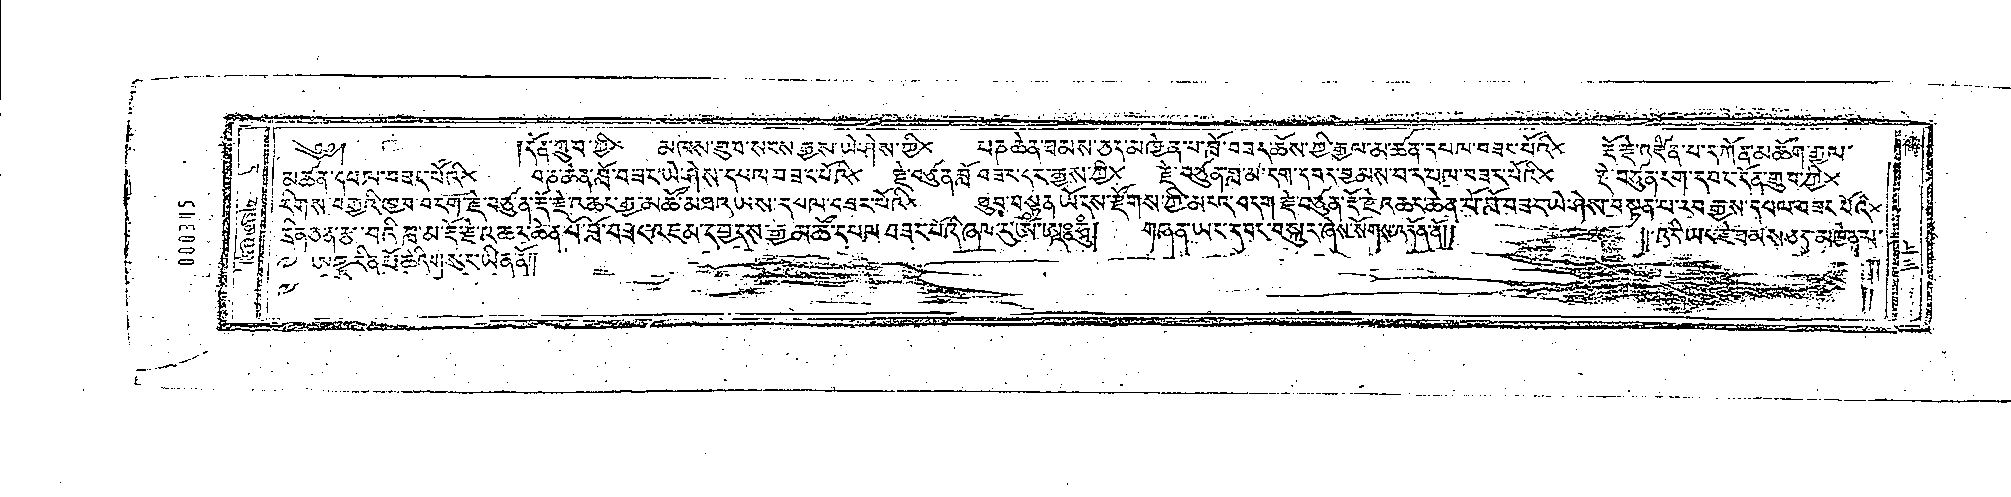༄༅། །དོན་གྲུབ་ཀྱི་྾་མཁས་གྲུབ་སངས་རྒྱས་ཡེ་ཤེས་ཀྱི་྾་པཎ་ཆེན་ཐམས་ཅད་མཁྱེན་པ་བློ་བཟང་ཆོས་ཀྱི་རྒྱལ་མཚན་དཔལ་བཟང་པོའི་྾་རྡོ་རྗེ་འཛིན་པ་དཀོན་མཆོག་རྒྱལ་
མཚན་དཔལ་བཟང་པོའི་྾་པཎ་ཆེན་བློ་བཟང་ཡེ་ཤེས་དཔལ་བཟང་པོའི་྾་རྗེ་བཙུན་བློ་བཟང་དར་རྒྱས་ཀྱི་྾་རྗེ་བཙུན་བླ་མ་དག་དབང་བྱམས་པ་དཔལ་བཟང་པོའི་྾་རྗེ་བཙུན་ངག་དབང་དོན་གྲུབ་ཀྱི་྾་
རིགས་བརྒྱའི་ཁྱབ་བདག་རྗེ་བཙུན་རྡོ་རྗེ་འཆང་རྒྱ་མཚོ་མཐའ་ཡས་དཔལ་བཟང་པོའི་྾་ཐུབ་བསྟན་ཡོངས་རྫོགས་ཀྱི་མངའ་བདག་རྗེ་བཙུན་རྡོ་རྗེ་འཆང་ཆེན་པོ་བློ་བཟང་ཡེ་ཤེས་བསྟན་པ་རབ་རྒྱས་དཔལ་བཟང་པོའི་྾་
དྲིན་ཅན་རྩ་བའི་བླ་མ་རྡོ་རྗེ་འཆང་ཆེན་པོ་བློ་བཟང་འཇམ་དབྱངས་རྒྱ་མཚོ་དཔལ་བཟང་པོའི་ཞལ་དུ་ཨོཾ་ཨཱཿ་ཧཱུཾ། གཞན་ཡང་དབང་བསྐུར་ཞེས་སོགས་འདོན་ནོ།། །འདི་ཡང་རྗེ་ཐམས་ཅད་མཁྱེན་པ་
༧་ཨཀྱཱ་རིན་པོ་ཆེའི་གསུང་ཡིན་ནོ།། །།